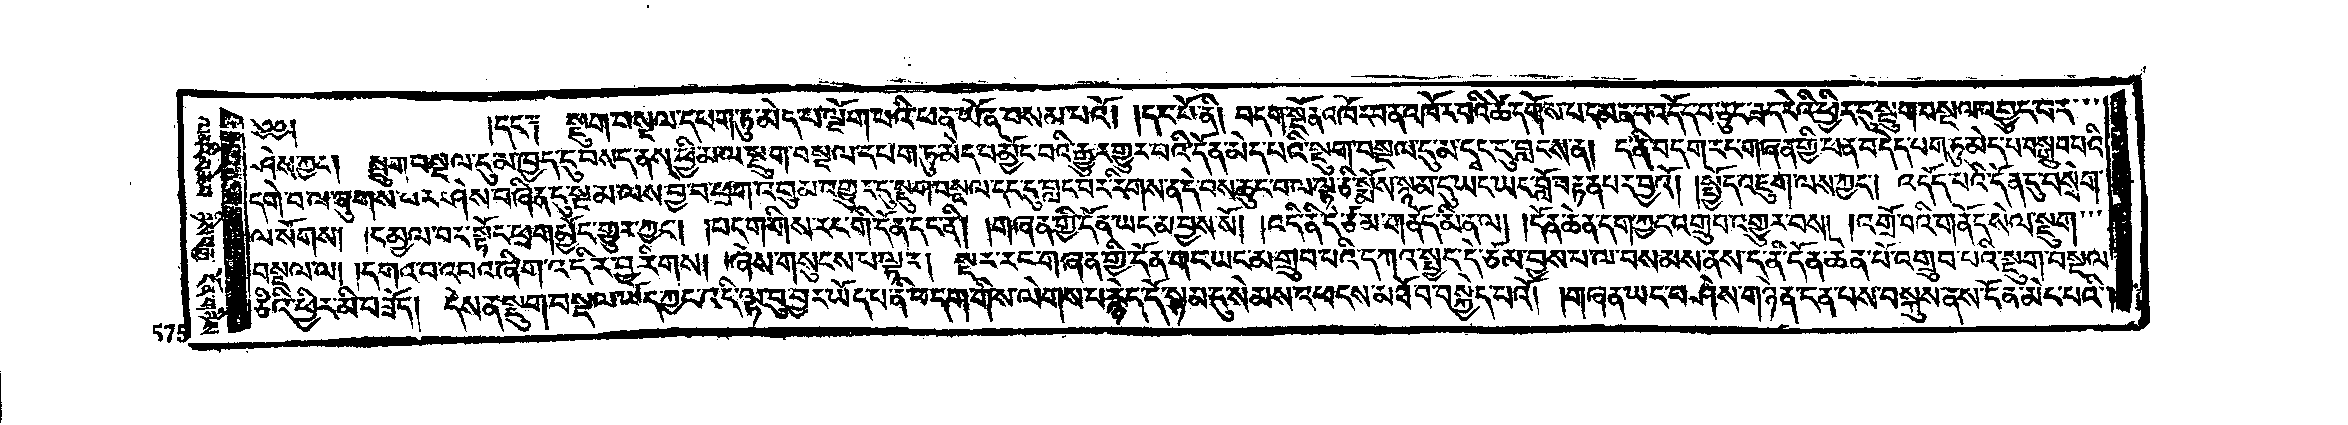༄༅། །དང༑ སྡུག་བསྔལ་དཔག་ཏུ་མེད་པ་ལྡོག་པའི་ཕན་ཡོན་བསམ་པའོ། །དང་པོ་ནི། བདག་སྔོན་འཁོར་བ་ན་འཁོར་བའི་ཚེ་དགོས་པ་དམན་པ་འདོད་པ་ཅུང་ཟད་རེའི་ཕྱིར་དུ་སྡུག་བསྔལ་འབྱུང་བར་
ཤེས་ཀྱང་། སྡུག་བསྔལ་དུ་མ་ཁྱད་དུ་བསད་ནས་ཕྱི་མ་ལ་སྡུག་བསྔལ་དཔག་ཏུ་མེད་པ་མྱོང་བའི་རྒྱུར་གྱུར་པའི་དོན་མེད་པའི་སྡུག་བསྔལ་དུ་མ་དྭང་དུ་བླངས་ན། ད་ནི་བདག་རང་གཞན་གྱི་ཕན་བདེ་དཔག་ཏུ་མེད་པ་བསྒྲུབ་པའི་
དགེ་བ་ལ་ཞུགས་པར་ཤེས་བཞིན་དུ་སྔ་མ་ལས་བྱེ་བ་ཕྲག་འབུམ་འགྱུར་དུ་སྡུག་བསྔལ་དང་དུ་བླང་བར་རིགས་ན་དེ་བས་ཆུང་བ་ལ་ལྟ་ཅི་སྨོས་སྙམ་དུ་ཡང་ཡང་བློ་བརྟན་པར་བྱའོ། །སྤྱོད་འཇུག་ལས་ཀྱང་། འདོད་པའི་དོན་དུ་བསྲེག་
ལ་སོགས། །དམྱལ་བར་སྟོང་ཕྲག་མྱོང་གྱུར་ཀྱང་། །བདག་གིས་རང་གི་དོན་དང་ནི། །གཞན་གྱི་དོན་ཡང་མ་བྱས་སོ། །འདི་ནི་དེ་ཙམ་གནོད་མིན་ལ། །དོན་ཆེན་དག་ཀྱང་འགྲུབ་འགྱུར་བས། །འགྲོ་བའི་གནོད་སེལ་སྡུག་
བསྔལ་ལ། །དགའ་བ་འབའ་ཞིག་འདིར་བྱ་རིགས། །ཞེས་གསུངས་པ་ལྟར། སྔར་རང་གཞན་གྱི་དོན་གང་ཡང་མ་གྲུབ་པའི་དཀའ་སྤྱད་དེ་ཙམ་བྱས་པ་ལ་བསམས་ནས་ད་ནི་དོན་ཆེན་པོ་འགྲུབ་པའི་སྡུག་བསྔལ་
ཅིའི་ཕྱིར་མི་བཟོད། དེས་ན་སྡུག་བསྔལ་ཡོད་ཀྱང་འདི་ལྟ་བུ་བྱར་ཡོད་པ་ནི་བདག་གིས་ལེགས་པ་རྙེད་དོ་སྙམ་དུ་སེམས་འཕངས་མཐོ་བ་བསྐྱེད་པའོ། །གཞན་ཡང་བཤེས་གཉེན་ངན་པས་བསླུས་ནས་དོན་མེད་པའི་